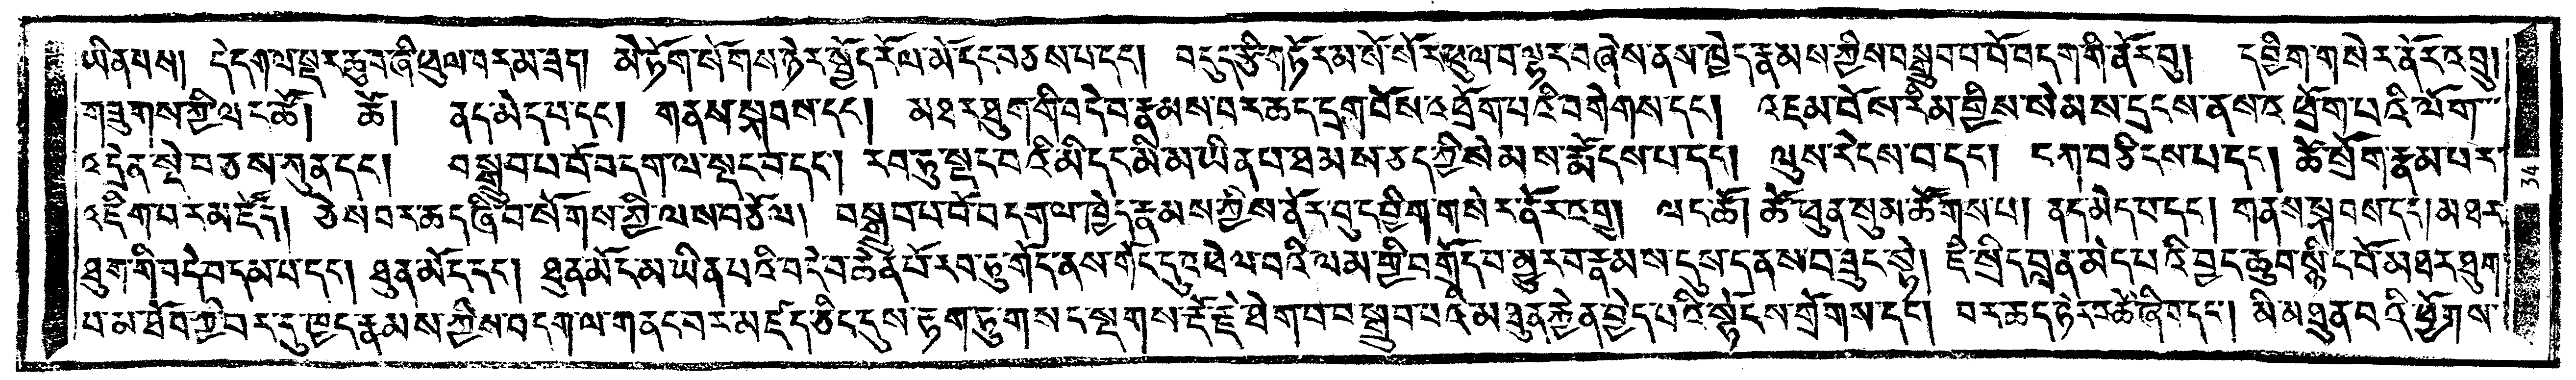ཡིན་པས། དེ་དག་ལ་སྔར་ཆུ་བཞི་ཕུལ་བར་མ་ཟད། མེ་ཏོག་སོགས་ཉེར་སྤྱོད་རོལ་མོ་དང་བཅས་པ་དང་། བདུད་རྩི་གཏོར་མ་སོ་སོར་ཕུལ་བ་ལྟར་བཞེས་ནས་ཁྱེད་རྣམས་ཀྱིས་བསྒྲུབ་པ་པོ་བདག་གི་ནོར་བུ། དབྱིག་གསེར་ནོར་འབྲུ།
གཟུགས་ཀྱི་ལང་ཚོ། ཆོ། ནད་མེད་པ་དང་། གནས་སྐབས་དང་། མཐར་ཐུག་གི་བདེ་བ་རྣམས་བར་ཆད་དྲག་བོས་འཕྲོག་པའི་བགེགས་དང་། འཇམ་བོས་རིམ་གྱིས་སེམས་དྲངས་ནས་འཕྲོག་པའི་ལོག་
འདྲེན་སྡེ་བཅས་ཀུན་དང་། བསྒྲུབ་པ་པོ་བདག་ལ་སྡང་བ་དང་། རབ་ཏུ་སྡང་བའི་མི་དང་མི་མ་ཡིན་པ་ཐམས་ཅད་ཀྱི་སེམས་རྨོངས་པ་དང་། ལུས་རེངས་བ་དང་། དག་བཅིངས་པ་དང་། ཚེ་སྲོག་རྣམ་པར་
འཇིག་པར་མཛོད། ཅེས་བར་ཆད་ཞི་བ་སོགས་ཀྱི་ལས་བཅོལ། བསྒྲུབ་པ་པོ་བདག་ལ་ཁྱེད་རྣམས་ཀྱིས་ནོར་བུ་དབྱིག་གསེར་ནོར་འབྱ། ལང་ཚོ། ཚེ་ཕུན་སུམ་ཚོགས་པ། ནད་མེད་པ་དང་། གནས་སྐབས་དང་། མཐར་
ཐུག་གི་བདེ་བ་དམ་པ་དང་། ཐུན་མོང་དང་། ཐུན་མོང་མ་ཡིན་པའི་བདེ་བ་ཆེན་པོ་རབ་ཏུ་གོང་ནས་གོང་དུ་འཕེལ་བའི་ལམ་གྱི་བགྲོད་བ་མྱུར་བ་རྣམས་དུས་ད་ནས་བཟུང་སྟེ། ཇི་སྲིད་བླ་ན་མེད་པའི་བྱང་ཆུབ་སྙིང་པོ་མཐར་ཐུག་
པ་མ་ཐོབ་ཀྱི་བར་དུ་ཁྱད་རྣམས་ཀྱིས་བདག་ལ་གནང་བར་མཛད་ཅིང་དུས་རྟག་ཏུ་གསང་སྔགས་རྡོ་རྗེ་ཐེག་པ་བསྒྲུབ་པའི་མཐུན་རྐྱེན་བྱེད་པའི་སྟོངས་གྲོགས་དང་། བར་ཆད་ཉེར་བ་ཚེ་ཞིབ་དང་། མི་མཐུན་བའི་ཕྱོགས་